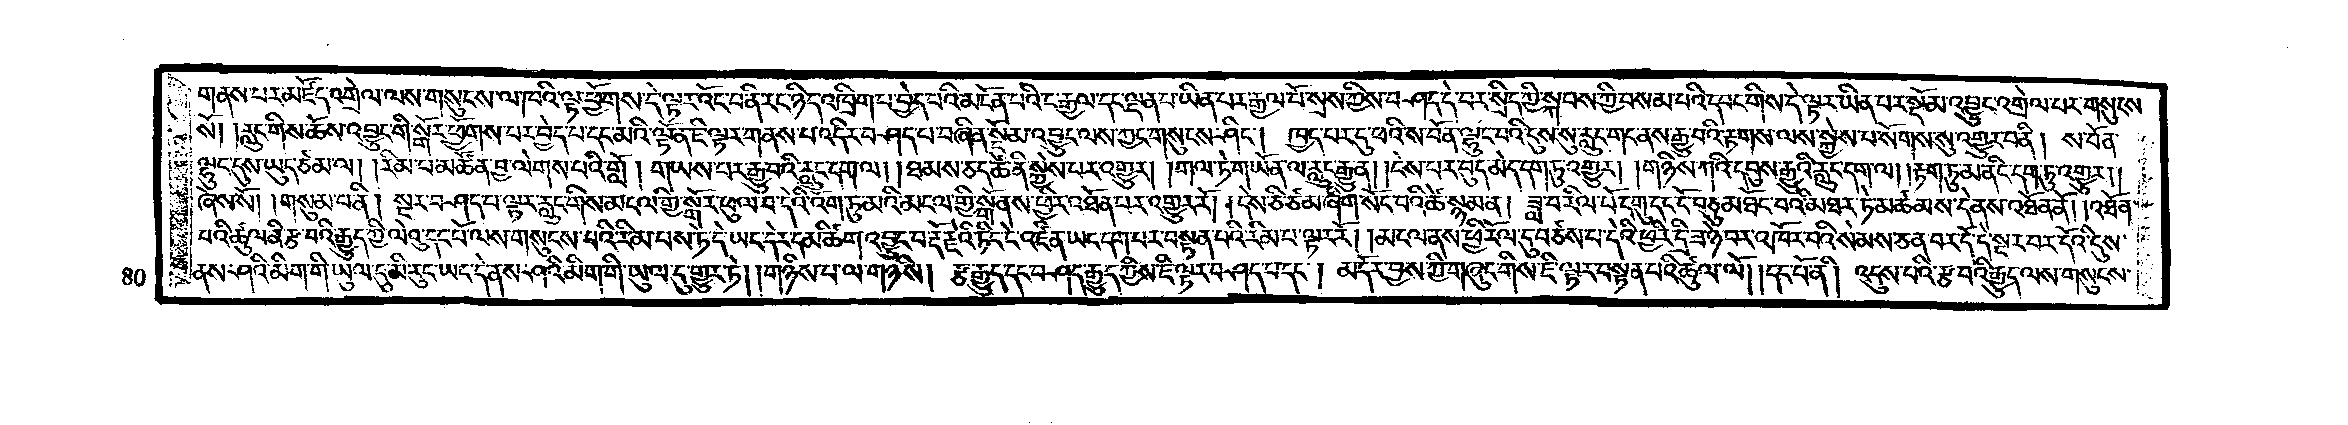གནས་པར་མཛོད་འགྲེལ་ལས་གསུངས་ལ་ཁའི་ལྟ་ཕྱོགས་དེ་ལྟར་འོང་བ་ནི་རང་ཉིད་འཁྲིག་པ་བྱེད་པའི་མངོན་པའི་ང་རྒྱལ་དང་ལྡན་པ་ཡིན་པར་རྒྱལ་པོ་སྲས་ཀྱིས་བཤད་དེ་བར་སྲིད་ཀྱི་སྐབས་ཀྱི་བསམ་པའི་དབང་གིས་དེ་ལྟར་ཡིན་པར་སྡོམ་འབྱུང་འགྲེལ་པར་གསུངས་
སོ། །རླུང་གིས་ཆོས་འབྱུང་གི་སྒོར་ཕྱོགས་པར་བྱེད་པ་དང་མའི་ལྟོ་ན་ཇི་ལྟར་གནས་པ་འདིར་བཤད་པ་བཞིན་སྡོམ་འབྱུང་ལས་ཀྱང་གསུངས་ཤིང་། ཁྱད་པར་དུ་ཕའི་ས་བོན་ལྷུང་བའི་དུས་སུ་རླུང་གང་ནས་རྒྱུ་བའི་རྟགས་ལས་སྐྱེས་པ་སོགས་སུ་འགྱུར་བ་ནི། ས་བོན་
ལྷུང་དུས་ཡུད་ཙམ་ལ། །རིམ་པ་མཚོན་བྱ་ལེགས་པའི་གློ། གཡས་པར་རྒྱུ་བའི་རླུང་དག་ལ། །ཐམས་ཅད་ཚེ་ནི་སྐྱེས་པར་འགྱུར། །གལ་ཏེ་གཡོན་ལ་རླུང་རྒྱུ་ན། །ངེས་པར་བུད་མེད་དག་ཏུ་འགྱུར། །གཉིས་ཀའི་དབུས་རྒྱུའི་རླུང་དག་ལ། །རྟག་ཏུ་མ་ནིང་དག་ཏུ་འགྱུར། །
ཞེས་སོ། །གསུམ་པ་ནི། སྔར་བཤད་པ་ལྟར་རླུང་གིས་མངལ་གྱི་སྒོར་ཕུལ་བ་དེའི་འོག་ཏུ་མའི་མངལ་གྱི་སྒོ་ནས་ཕྱིར་འཐོན་པར་འགྱུར་རོ། །དེས་ཅི་ཙམ་ཞིག་སོང་བའི་ཚེ་སྙམ་ན། ཟླ་བ་རིལ་པོ་དགུ་དང་ངོ་བཅུ་མཐོང་བའི་མཐར་ཏེ་མཚམས་དེ་ནས་འཐོན་ནོ། །འཐོན་
པའི་ཚུལ་ནི་རྩ་བའི་རྒྱུད་ཀྱི་ལེའུ་དང་པོ་ལས་གསུངས་པའི་རིམ་པས་ཏེ་དེ་ཡང་དེར་དམ་ཚིག་འབྱུང་བ་རྡོ་རྗེའི་ཏིང་ངེ་འཛིན་ཡང་དག་པར་བསྟན་པའི་རིམ་པ་ལྟར་རོ། །མངལ་ནས་ཕྱི་རོལ་དུ་བཙས་པ་དེའི་ཕྱིར་དྲི་ཟ་ཉེ་བར་འཁོར་བའི་སེམས་ཅན་བར་དོ་དེ་སྔར་བར་དོའི་དུས་
ནས་ཤའི་མིག་གི་ཡུལ་དུ་མི་རུང་ཡང་དེ་ནས་ཤའི་མིག་གི་ཡུལ་དུ་གྱུར་ཏེ། །གཉིས་པ་ལ་གཉིས། རྩ་རྒྱུད་དང་བཤད་རྒྱུད་ཀྱིས་ཇི་ལྟར་བཤད་པ་དང་། མདོར་བྱས་ཀྱི་གཞུང་གིས་ཇི་ལྟར་བསྟན་པའི་ཚུལ་ལོ། །དང་པོ་ནི། འདུས་པའི་རྩ་བའི་རྒྱུད་ལས་གསུངས་